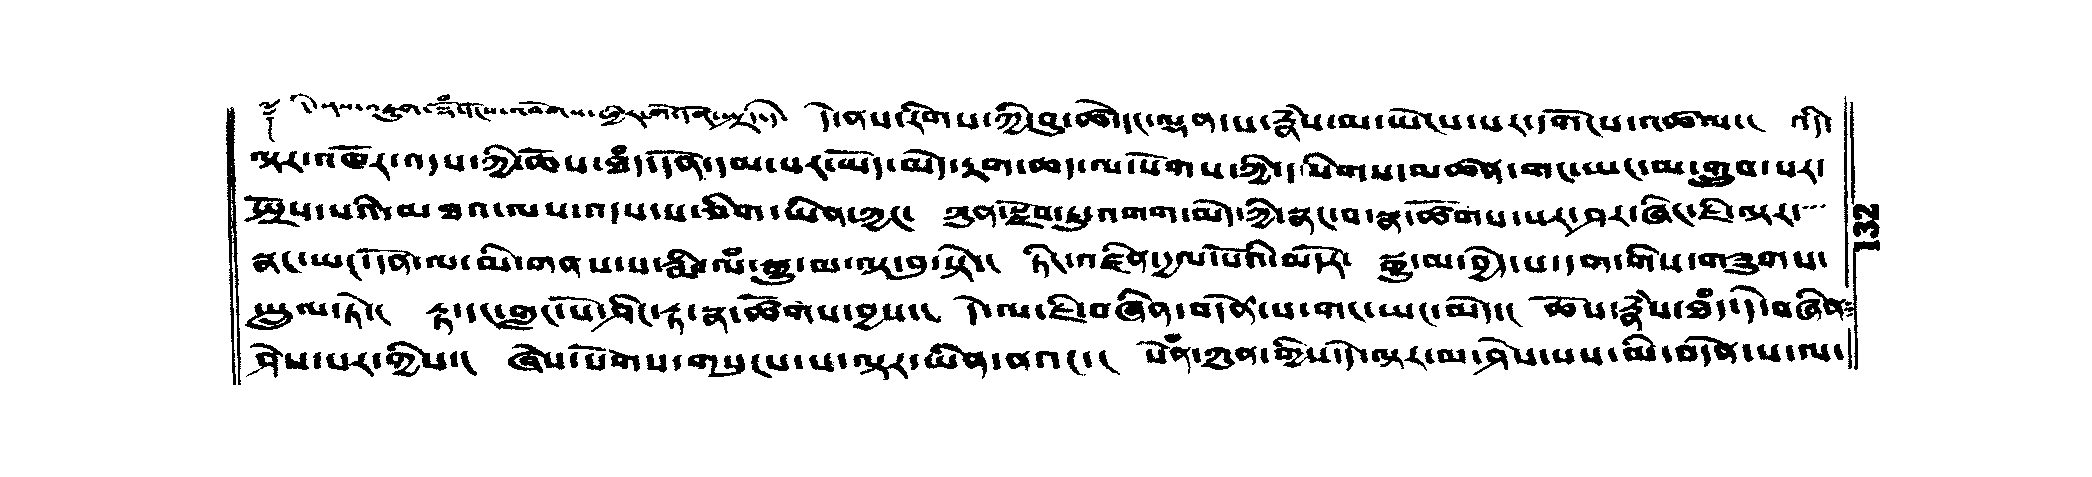༈ དེ་ནས་འཇུག་སྡོམ་དངོས་འབོགས་ཕྱིར་གོ་དོན་སྤྲད་དེ། དེ་ནས་རིགས་ཀྱི་བུ་ཚེ་དང་ལྡན་པ་རྣམས་མ་ཡོངས་པར་དགོངས་འཚལ། འདི་
ལྟར་འཁོར་འདས་ཀྱི་ཆོས་ཐམས་ཅད་དོན་དམ་པར་ཡོད་མེད་རྟག་ཆད་ལ་སོགས་ཀྱི་དམིགས་མཚན་གང་ཡང་མ་གྲུབ་པར་
སྤྲོས་པའི་མཐའ་ལས་འདས་པ་ཅིག་ཡིན་ཡང་། ཀུན་རྫོབ་ཏུ་འགག་མེད་ཀྱི་སྣང་བ་སྣ་ཚོགས་པར་ཤར་ཞིང་ཇི་ལྟར་
སྣང་ཡང་དོན་ལ་མི་གནས་པ་རྨི་ལམ་སྒྱུ་མ་ལྟ་བུ་སྟེ། ཏིང་འཛིན་རྒྱལ་པོའི་མདོར། སྒྱུ་མ་བྱེད་པ་དག་གིས་གཟུགས་
སྤྲུལ་ཏེ། རྟ་དང་གླང་པོ་ཤིང་རྟ་སྣ་ཚོགས་བྱས། དེ་ལ་ཇི་བཞིན་བདེན་པ་གང་ཡང་མེད། ཆོས་རྣམས་ཐམས་ཅད་དེ་བཞིན་
ཤེས་པར་གྱིས། ཞེས་སོགས་གསུངས་པ་ལྟར་ཡིན་ནའང་། སེམས་ཅན་ཀུན་གྱིས་དེ་ལྟར་མ་ཤེས་པས་མི་བདེན་པ་ལ་